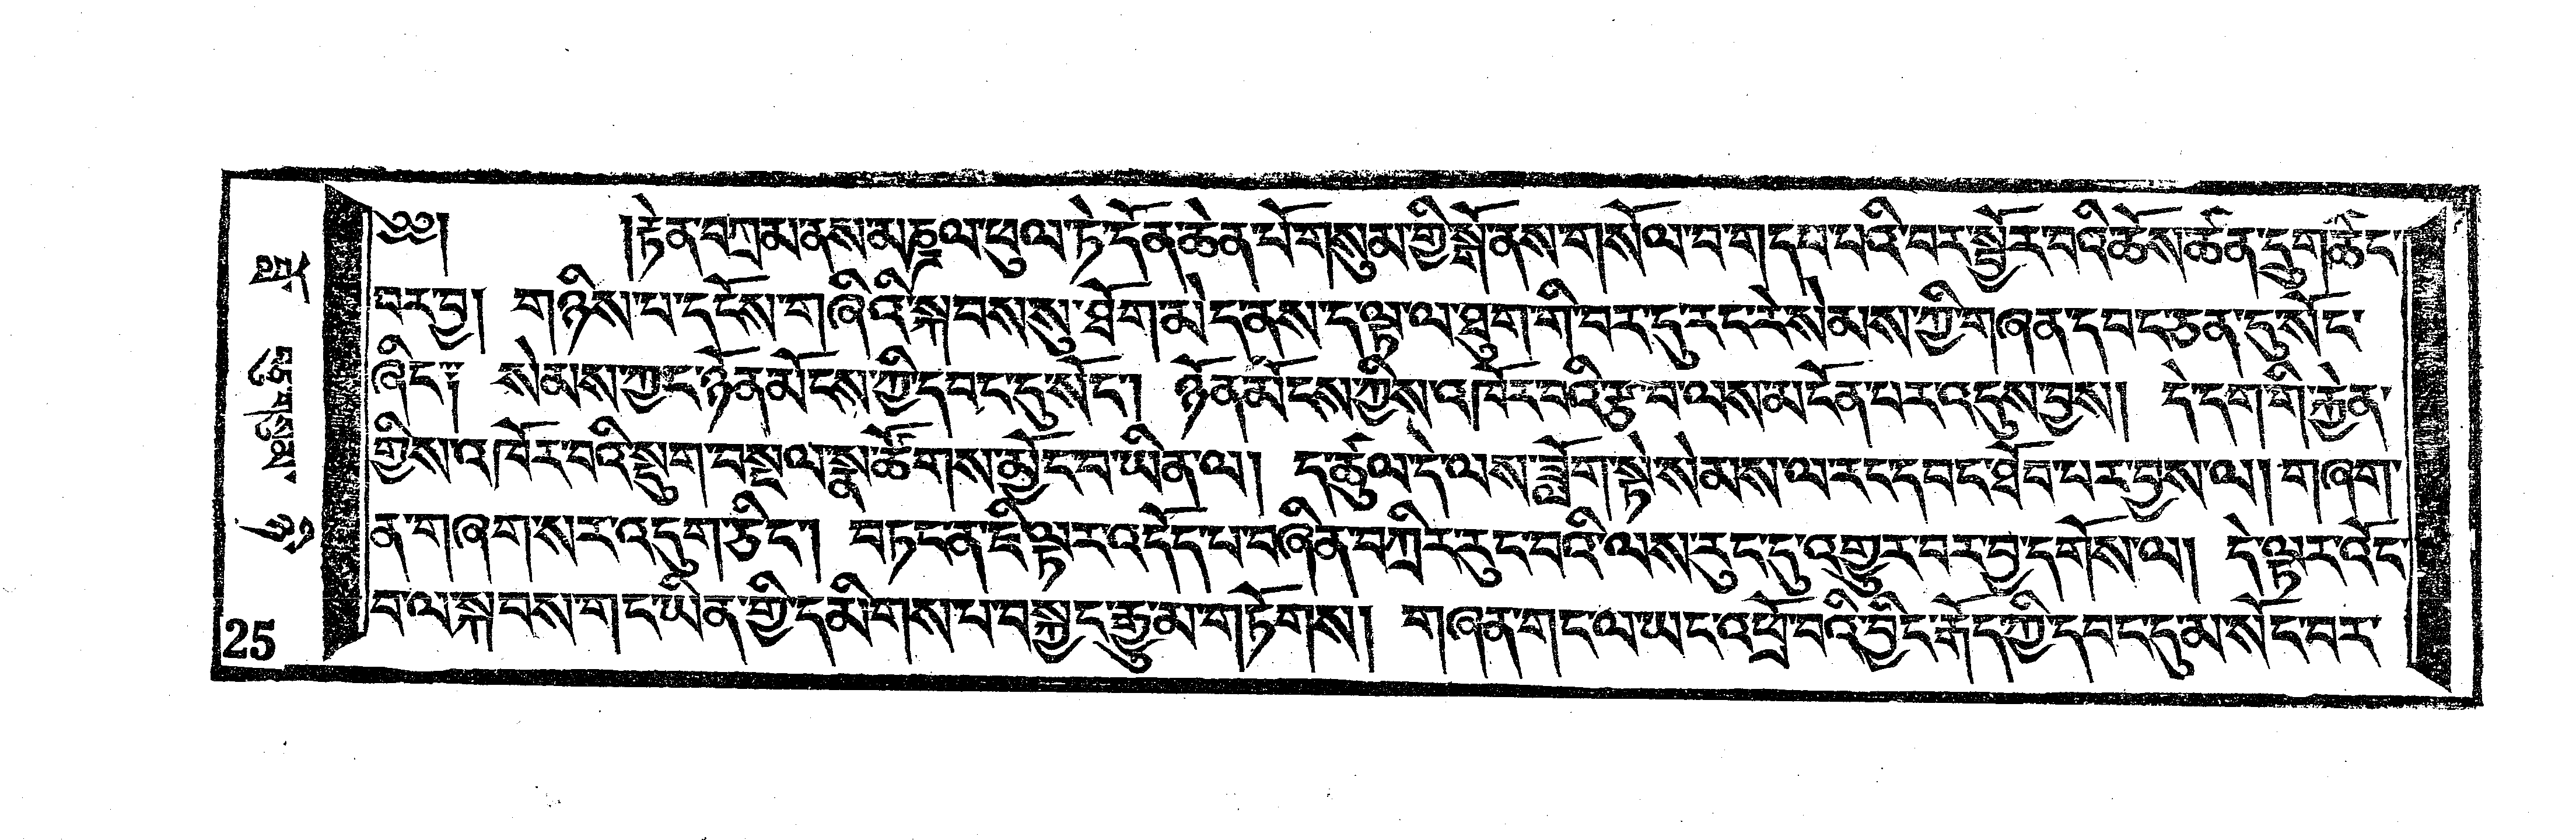༄༅། །རྟེན་བཀྲམ་ནས་མཎྜལ་ཕུལ་ཏེ་དོན་ཆེན་པོ་གསུམ་གྱི་སྒོ་ནས་གསོལ་བ་གདབ་པའི་བར་སྦྱོར་བའི་ཆོས་ཚན་དྲུག་ཚང་
བར་བྱ། གཉིས་པ་དངོས་གཞིའི་སྐབས་སུ་ཐོག་མེད་ནས་ད་ལྟ་ལ་ཐུག་གི་བར་དུ་རང་རེ་སེམས་ཀྱི་གཞན་དབང་ཅན་དུ་སོང་
ཞིང༑ སེམས་ཀྱང་ཉོན་མོངས་ཀྱི་དབང་དུ་སོང་། ཉོན་མོངས་ཀྱིས་འཁོར་བའི་རྩ་བ་ལས་མངོན་པར་འདུས་བྱས། དེ་དག་གི་རྐྱེན་
གྱིས་འཁོར་བའི་སྡུག་བསྔལ་སྣ་ཚོགས་མྱོང་བ་ཡིན་ལ། ད་ཚུལ་དེ་ལས་ཟློག་སྟེ་སེམས་ལ་རང་དབང་ཐོབ་པར་བྱས་ལ། གཞག་
ན་གཞག་སར་འདུག་ཅིང་། བཏང་ན་ཇི་ལྟར་འདོད་པ་བཞིན་བཀྲིར་རུང་བའི་ལས་རུང་དུ་འགྱུར་བར་བྱ་དགོས་ལ། དེ་ལྟར་འོང་
བ་ལ་སྐབས་གང་ཡིན་གྱི་དམིགས་པ་བསྐྱང་རྒྱུ་མ་གཏོགས། གཞན་གང་ལ་ཡང་འཕྲོ་བའི་བྱིང་རྒོད་ཀྱི་དབང་དུ་མ་སོང་བར་